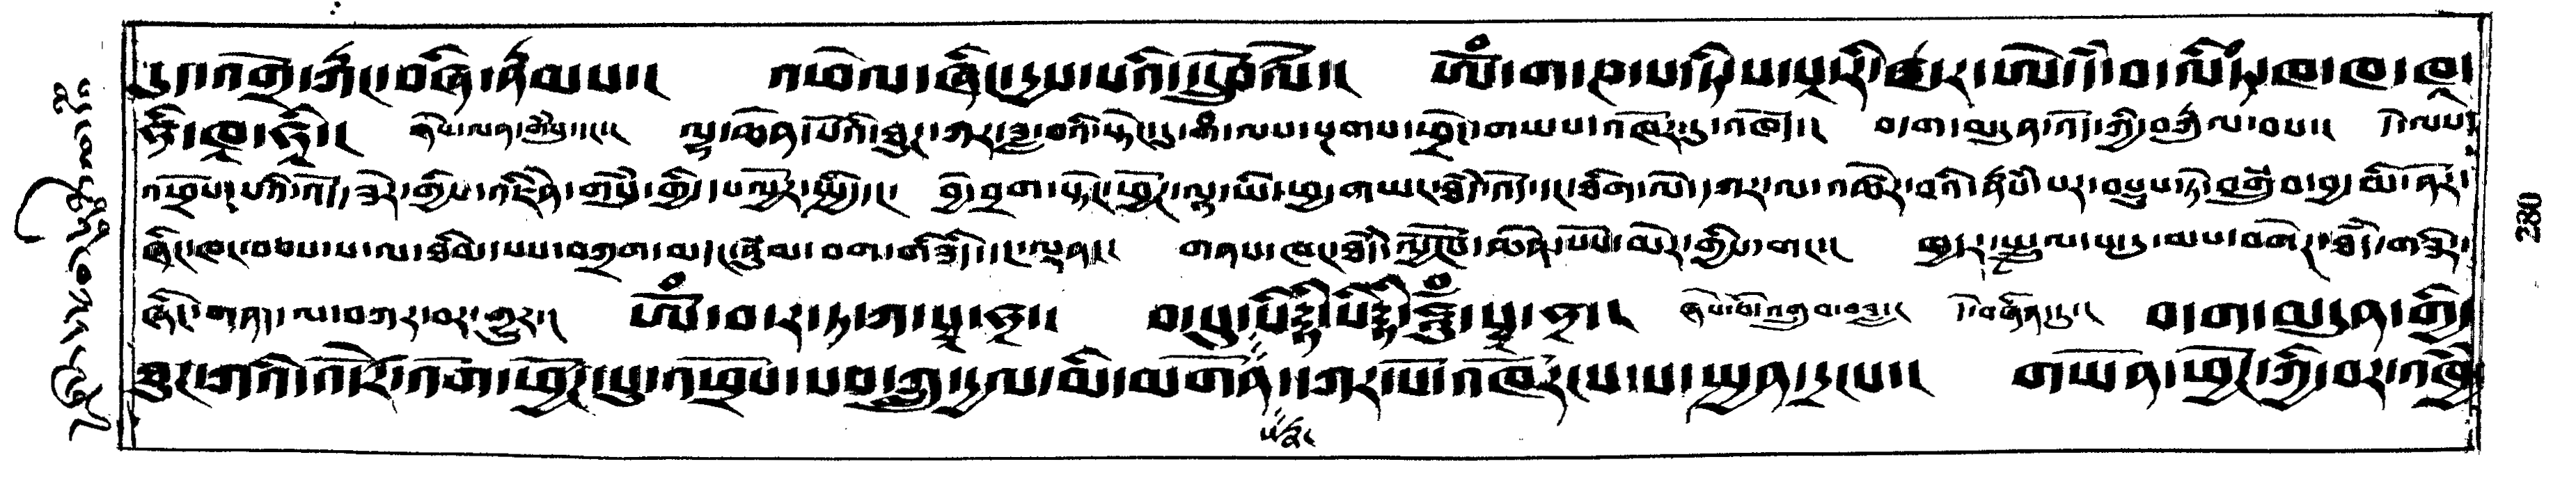དུད་འགྲོ་རྐང་བཞི་རྣམས། །འཕེལ་ཞིང་རྒྱས་པའི་དངོས་གྲུབ་རྩོལ། །ཨོཾ་ག་ཎ་པ་ཏྀ་ས་པཱ་རི་ཝ་ར་ཨེ་དམ་བ་ལིང་ཏ་ཁ་ཁ་ཁཱ་
ཧི་ཁཱ་ཧི། ཞེས་ལན་གསུམ་དང་། ལྷ་ཆེན་པོའི་ཐུགས་ཀར་ཟླ་བའི་སྟེང་དུ་གཾ་ལས་སྔགས་ཕྲེང་གཡས་འཁོར་དུ་འཁོད། བདག་མདུན་འོད་ཀྱིས་བསྐུལ་བས། དེ་ལས་
འཕྲོས་པའི་འདོད་ཟེར་གྱིས་འཇིག་རྟེན་གསུམ་གྱི་དཔལ་འབྱོར་སྤྱི་དང་། བྱེ་བྲག་སྟེང་ཕྱོགས་ལྷ་ཡི་ཕྱ་གཡང་ཐམས་ཅད་འོད་དང་ཐིག་ལེ་དཀར་ལ་འཚེར་བའི་རྣམ་པར་བསྡུས་ཏེ་བསྒྲུབ་བྱ་མི་ནོར་
ཞིང་ཁང་དང་བཅས་པ་ལ་ཐིམ་པས་བཀྲག་མདངས་སྣུམ་བག་གཟི་བརྗིད་དང་ལྡན། གནས་ཁང་ཐམས་ཅད་ལོངས་སྤྱོད་ཆེན་པོས་མེར་གྱིས་གང་། ཁྱད་པར་སྤྲུལ་པ་དུ་མས་བགེགས་ཐམས་ཅད་གཟིར་
ཞིང་གནད་ལ་བཀར་བར་གྱུར། ཨོཾ་བ་ར་ཏ་ཀ་སྭ་ཧཱ། བ་པུ་སརྦ་སིདྡྷི་སིདྡྷི་ཧཱུྃ་སྭ་ཧཱ། ཞེས་ཅི་འགྲུབ་བཟླ། དེ་བཞིན་དུ། བདག་མདུན་གྱི་
ཐུགས་ཀའི་འོད་ཟེར་འོག་ཕྱོགས་སུ་འཕྲོས་པས་ཀླུ་རྒྱལ་མི་མགོན་དཀར་པོ་འཁོར་དང་བཅས་པ་སྤྱན་དྲངས། གཡོན་ཕྱོགས་ཀྱི་བར་འཁྱམས་